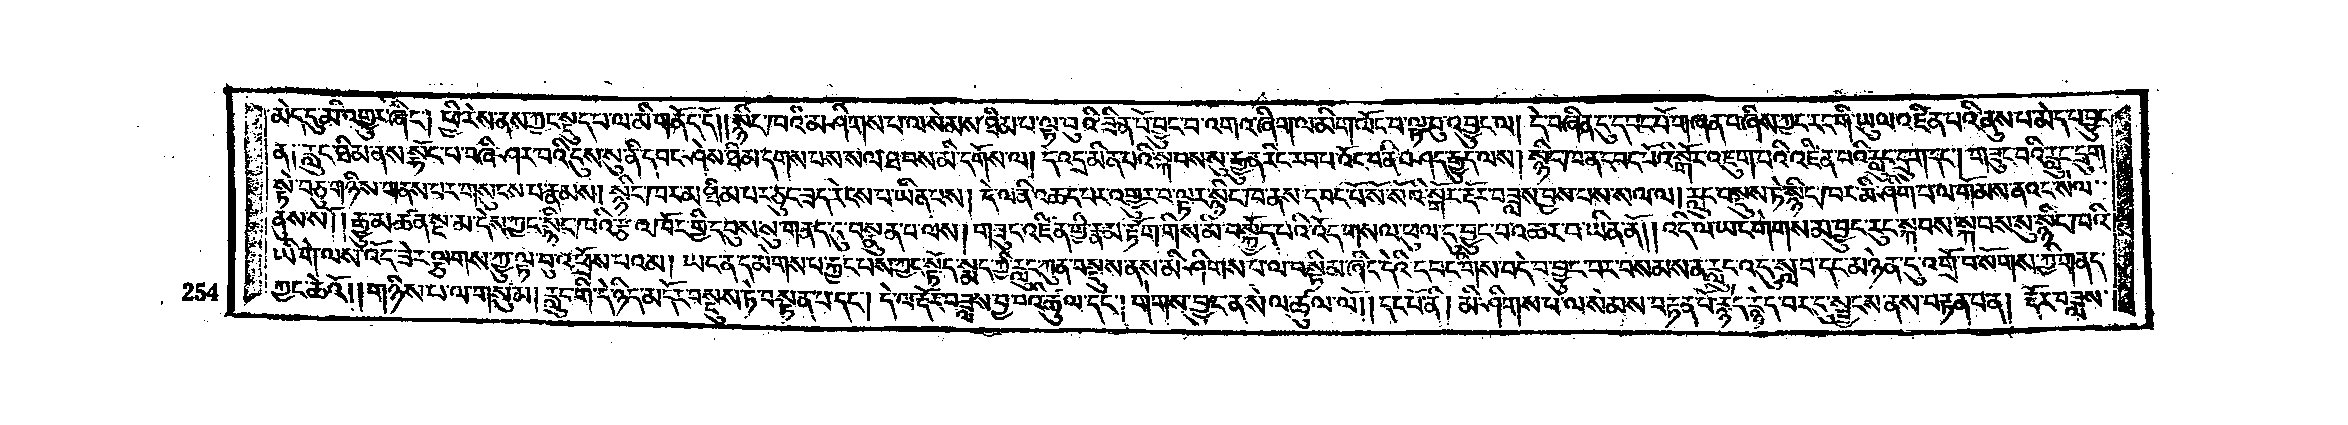མེད་དུ་མི་འགྱུར་ཞིང་། ཕྱི་རེས་ནས་ཀྱང་སྡུད་པ་ལ་མི་གནོད་དོ། །སྙིང་ཁའི་མི་ཤིགས་པ་ལ་སེམས་ཐིམ་པ་ལྟ་བུའི་ཟིན་པོ་བྱུང་བ་འགའ་ཞིག་ལ་མིག་ལོང་བ་ལྟ་བུ་འབྱུང་ལ། དེ་བཞིན་དུ་དབང་པོ་གཞན་བཞིས་ཀྱང་རང་གི་ཡུལ་འཛིན་པའི་ནུས་པ་མེད་པ་བྱུང་
ན། རླུང་ཐིམ་ནས་སྟོང་པ་བཞི་ཤར་བའི་དུས་སུ་ནི་དབང་ཤེས་ཐིམ་དགོས་པས་སེལ་ཐབས་མི་དགོས་ལ། དེ་འདྲ་མིན་པའི་སྐབས་སུ་རྒྱུན་རིང་རབ་པ་འོང་བ་ནི་བཤད་རྒྱུད་ལས། སྙིང་ཁ་ན་དབང་པོའི་སྒོར་འཇུག་པའི་འཛིན་པའི་རླུང་དྲུག་དང་། གཟུང་བའི་རླུང་དྲུག་
སྟེ་བཅུ་གཉིས་གནས་པར་གསུངས་པ་རྣམས། སྙིང་ཁར་མཐིམ་པར་ཅུང་ཟད་རེངས་པ་ཡིན་པས། དེ་ལ་ནི་འཆད་པར་འགྱུར་བ་ལྟར་སྙིང་ཁ་ནས་དབང་པོ་སོ་སོའི་སྒོར་རྡོར་བཟླས་བྱས་པས་སལ་ལ། རླུང་བསྡུས་ཏེ་སྙིང་ཁར་མི་ཤིག་པ་ལ་གོམས་ནའང་སེལ་
ནུས་སོ། །རྒྱུ་མཚན་སྔ་མ་དེས་ཀྱང་སྙིང་ཁའི་རྩ་འཁོར་གྱི་དབུས་སུ་གནད་དུ་བསྣུན་པ་ལས། གཟུང་འཛིན་གྱི་རྣམ་རྟོག་གིས་མི་བསྐྱོད་པའི་འོད་གསལ་ཕུལ་དུ་བྱུང་བ་འཆར་བ་ཡིན་ནོ། །འདི་ལ་ཡང་གེགས་མ་བྱུང་རུང་སྐབས་སྐབས་སུ་སྙིང་ཁའི་
ཡི་གེ་ལས་འོད་ཟེར་ལྕགས་ཀྱུ་ལྟ་བུ་འཕྲོས་པའམ། ཡང་ན་དམིགས་པ་རྐྱང་པས་ཀྱང་སྟོད་སྨད་ཀྱི་རླུང་ཀུན་བསྡུས་ནས་མི་ཤིགས་པ་ལ་བསྟིམ་ཞིང་དེའི་དབང་གིས་བདེ་བ་བྱུང་བར་བསམས་ན་རླུང་འདུ་སླ་བ་དང་མཉེན་དུ་འགྲོ་བ་སོགས་ཀྱི་གནད་
ཀྱང་ཆེའོ། །གཉིས་པ་ལ་གསུམ། རླུང་གི་དེ་ཉིད་མདོར་བསྡུས་ཏེ་བསྟན་པ་དང་། དེ་ལ་རྡོར་བཟླས་བྱ་བའི་ཚུལ་དང་། གེགས་བྱུང་ན་སེལ་ཚུལ་ལོ། །དང་པོ་ནི། མི་ཤིགས་པ་ལ་སེམས་བརྟན་པོ་རྙེད་རྙེད་བར་དུ་སྦྱངས་ནས་བརྟན་པ་ན། རྡོར་བཟླས་